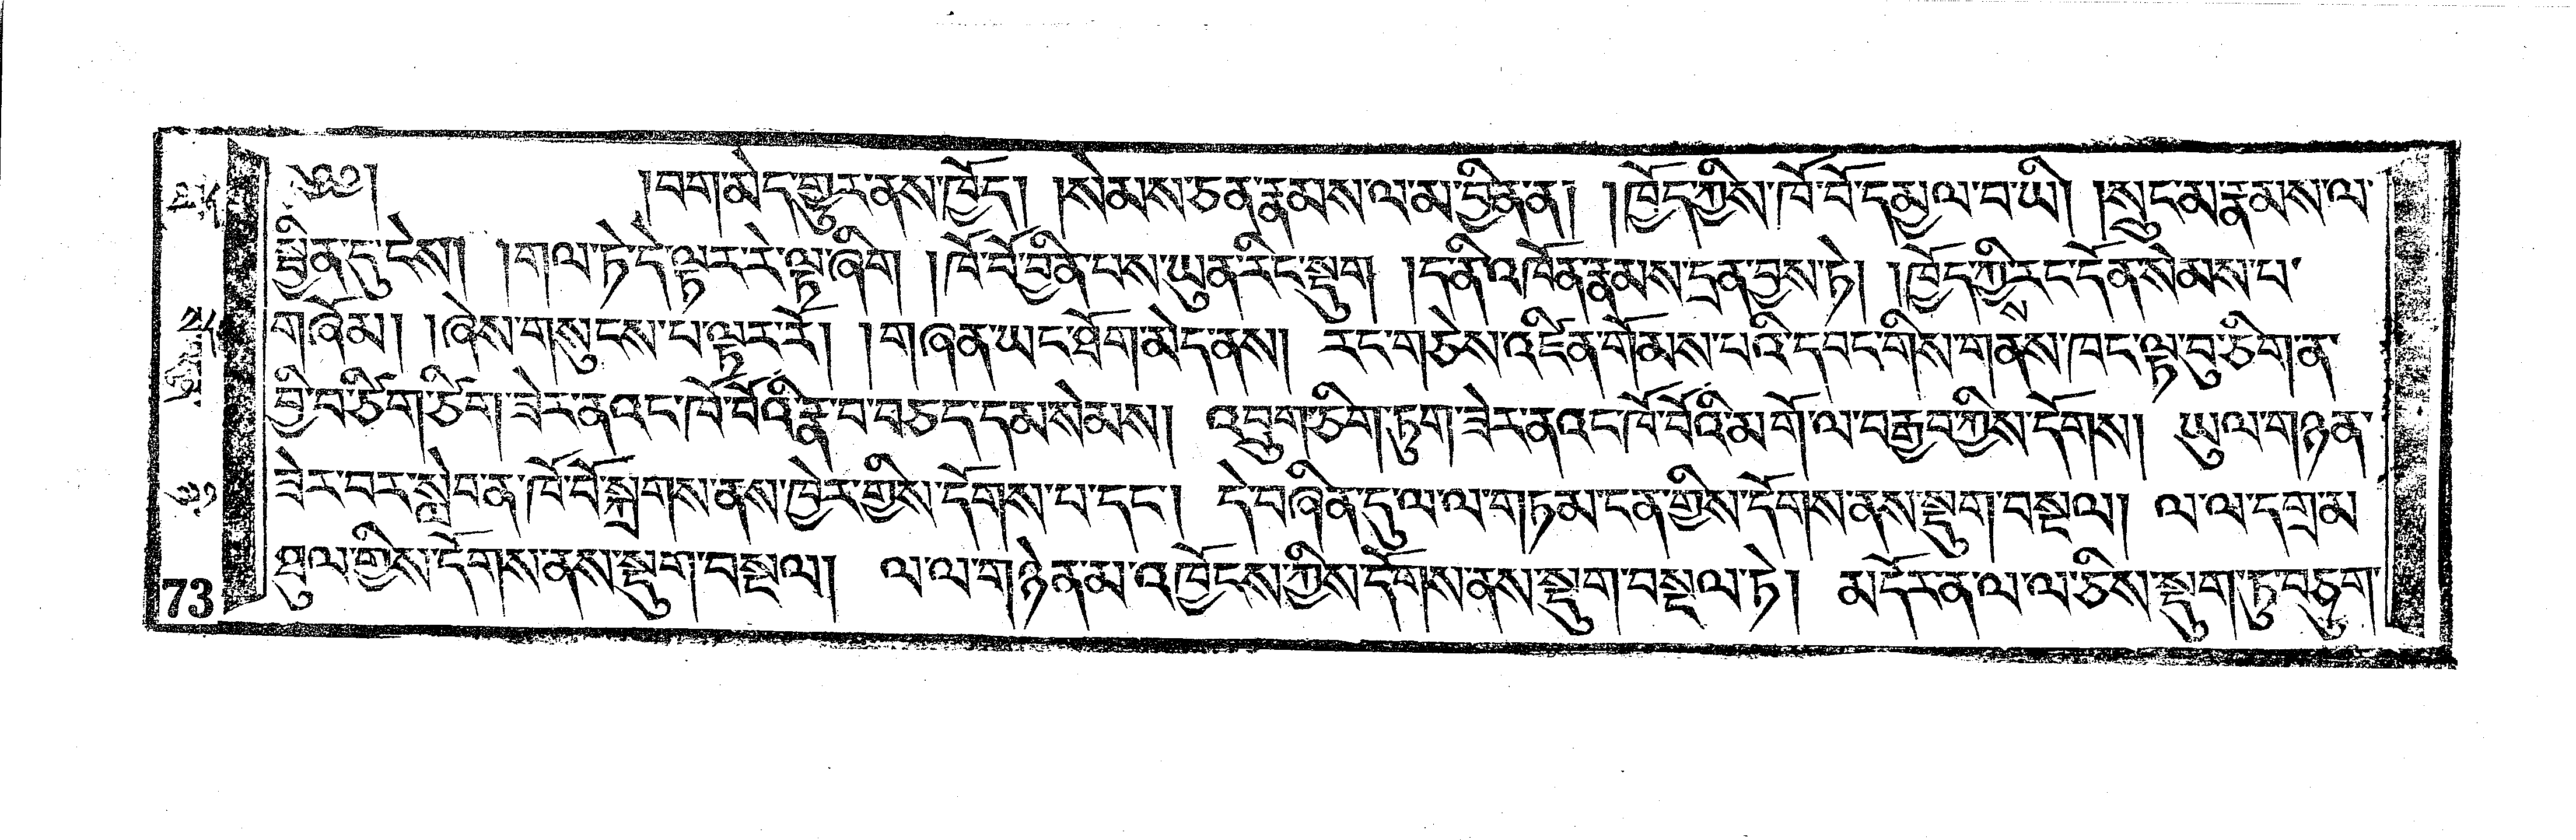༄༅། །བག་མེད་གྱུར་ནས་ཁྱོད། །སེམས་ཅན་རྣམས་ལ་མ་བྱིན་ན། །ཁྱོད་ཀྱིས་ཁོ་བོ་དམྱལ་བ་ཡི། །སྲུང་མ་རྣམས་ལ་
སྦྱིན་དུ་ངེས། །གལ་ཏེ་དེ་ལྟར་རེ་ལྟ་ཞིག །ཁོ་བོ་བྱིན་པས་ཡུན་རིང་སྡུག །ད་ནི་འཁོན་རྣམས་དྲན་བྱས་ཏེ། །ཁྱོད་ཀྱིས་རང་དོན་སེམས་པ་
གཞོམ། །ཞེས་གསུངས་པ་ལྟར་རོ། །གཞན་ཡང་ཐོག་མེད་ནས། རང་གཅེས་འཛིན་གོམས་པའི་དབང་གིས་གནས་ཁང་ལྟ་བུ་ཅིག་ན་
བྱི་བ་ཙིག་ཙིག་ཟེར་ནའང་ཁོ་བོའི་རྣ་བ་བཅད་དམ་སེམས། འབྲུག་ཅིག་ཏུག་ཟེར་ནའང་ཁོ་བོའི་མགོ་ལ་བརྒྱབ་ཀྱིས་དོགས། ཡུལ་གཉན་
ཟེར་བར་སླེབ་ན་ཁོ་བོ་སྐྲགས་ནས་ཁྱེར་གྱིས་དོགས་པ་དང་། དེ་བཞིན་དུ་ལ་ལ་གཏམ་ངན་གྱིས་དོགས་ནས་སྡུག་བསྔལ། ལ་ལ་དགྲ་མ་
ཐུལ་གྱིས་དོགས་ནས་སྡུག་བསྔལ། ལ་ལ་གཉེན་མ་འཁྱོངས་ཀྱིས་དོགས་ནས་སྡུག་བསྔལ་ཏེ། མདོར་ན་ལ་ལ་ཅིས་སྡུག་ཏུ་བཅུག་